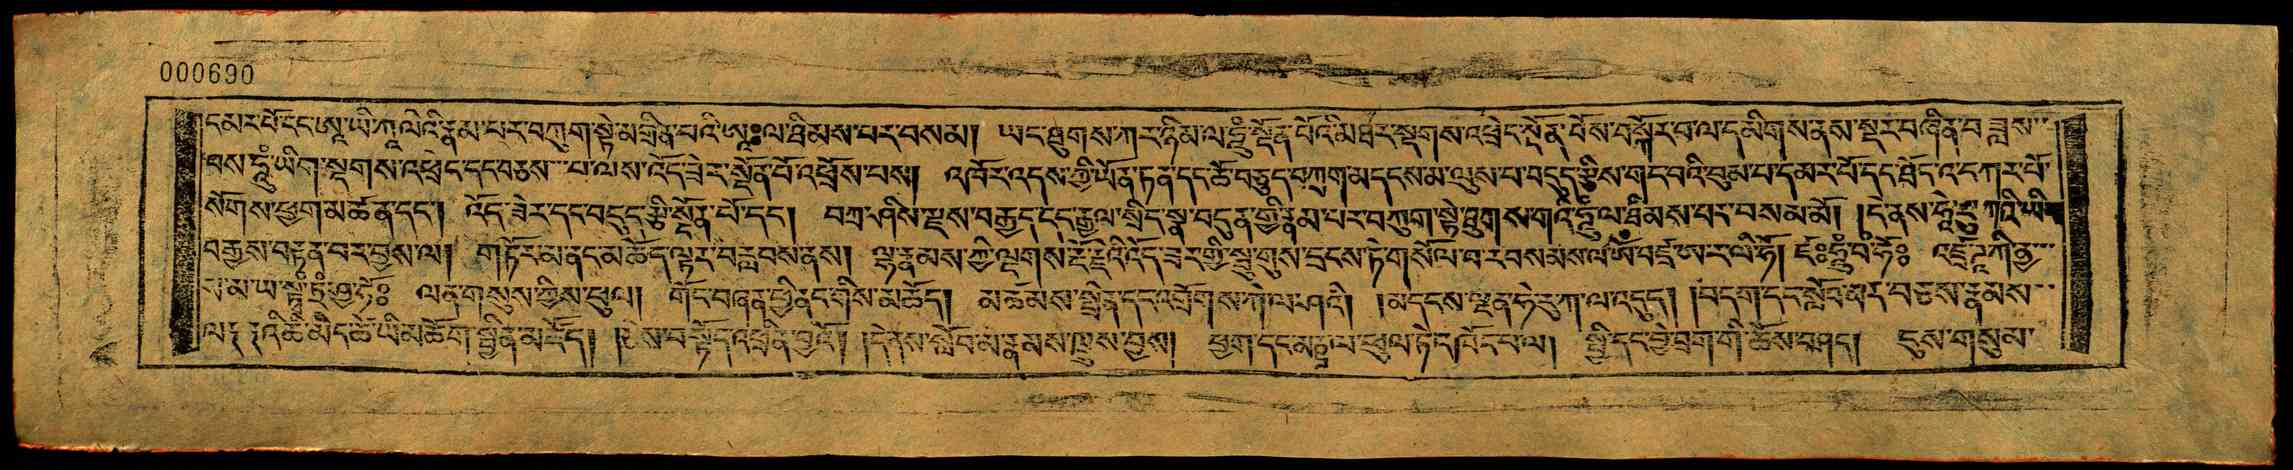དམར་པོ་དང་ཨཱ་ལི་ཀཱ་ལིའི་རྣམ་པར་བཀུག་སྟེ་མགྲིན་པའི་ཨཱཿ ལ་ཐིམས་པར་བསམ། ཡང་ཐུགས་ཀར་ཉི་མ་ལ་ཧཱུཾ་སྔོན་པོའི་མཐར་སྔགས་འཕྲེང་སྔོན་པོས་བསྐོར་བ་ལ་དམིགས་ནས་སྔར་བཞིན་བཟླས་
པས་ཧཱུཾ་ཡིག་སྔགས་འཕྲེང་དང་བཅས་པ་ལས་འོད་ཟེར་སྔོན་པོ་འཕྲོས་པས། འཁོར་འདས་ཀྱི་ཡོན་ཏན་དང་ཚེ་བཅུད་བཀྲག་མདངས་མ་ལུས་པ་བདུད་རྩིས་གང་བའི་བུམ་པ་དམར་པོ་དང་ཐོད་པ་དཀར་པོ་
སོགས་ཕྱག་མཚན་དང་། འོད་ཟེར་དང་བདུད་རྩི་སྔོན་པོ་དང་། བཀྲ་ཤིས་རྫས་བརྒྱད་དང་རྒྱལ་སྲིད་སྣ་བདུན་གྱི་རྣམ་པར་བཀུག་སྟེ་ཐུགས་ཀའི་ཧཱུཾ་ལ་ཐིམས་པར་བསམ་མོ། །དེ་ནས་ཧེ་རུ་ཀའི་ཡིག་
བརྒྱས་བརྟན་པར་བྱས་ལ། གཏོར་མ་ནང་མཆོད་ལྟར་བརླབས་ནས། ལྷ་རྣམས་ཀྱི་ལྗགས་རྡོ་རྗེའི་འོད་ཟེར་གྱི་སྤུ་གུས་དྲངས་ཏེ་གསོལ་བར་བསམས་ལ་ཨོཾ་བཛྲ་ཨ་ར་ལི་ཧོ། ཛཿ ཧཱུཾ་བཾ་ཧོཿ བཛྲ་ཌཱ་ཀི་ཉ་
ས་མ་ཡ་སྟྭཾ་ཏྲི་ཤྱ་ཧོཿ ལན་གསུམ་གྱིས་ཕུལ། གོང་བཞིན་ཕྱི་ནང་གིས་མཆོད། མཚམས་སྤྲིན་དང་འགྲོགས་ཀ་ལ་ཤའི། །མདངས་ལྡན་ཧེ་རུ་ཀ་ལ་འདུད། །བདག་དང་སློབ་མར་བཅས་རྣམས་
ལ༑ ༑འཆི་མེད་ཚེ་ཡི་མཆོག་སྦྱིན་མཛོད། །ཅེས་བསྟོད་འཕྲིན་བྱའོ། །དེ་ནས་སློབ་མ་རྣམས་ཁྲུས་བྱས་ལ་ཕྱག་དང་མཎྜལ་ཕུལ་ཏེ་འཁོད་པ་ལ། སྤྱི་དང་བྱེ་བྲག་གི་ཆོས་བཤད། དུས་གསུམ་